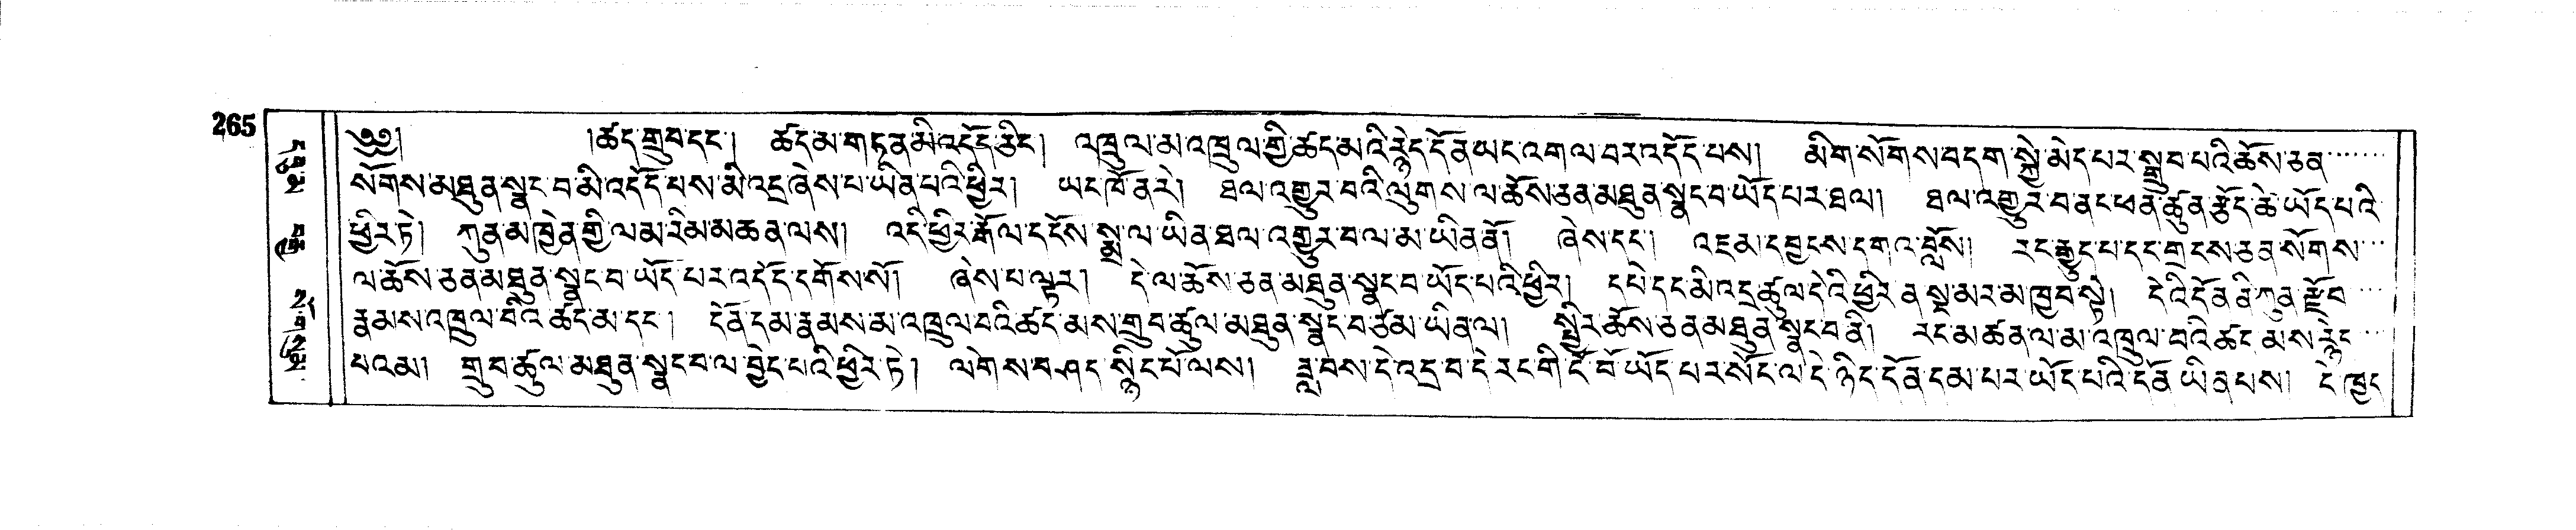༄༅། །ཚད་གྲུབ་དང་། ཚད་མ་གཏན་མི་འདོད་ཅིང་། འཁྲུལ་མ་འཁྲུལ་གྱི་ཚད་མའི་རྙེད་དོན་ཡང་འགལ་བར་འདོད་པས། མིག་སོགས་བདག་སྐྱེ་མེད་པར་སྒྲུབ་པའི་ཆོས་ཅན་
སོགས་མཐུན་སྣང་བ་མི་འདོད་པས་མི་འདྲ་ཞེས་པ་ཡིན་པའི་ཕྱིར། ཡང་ཁོ་ན་རེ། ཐལ་འགྱུར་པའི་ལུགས་ལ་ཆོས་ཅན་མཐུན་སྣང་བ་ཡོད་པར་ཐལ། ཐལ་འགྱུར་བ་ནང་ཕན་ཚུན་རྩོད་ཚེ་ཡོད་པའི་
ཕྱིར་ཏེ། ཀུན་མཁྱེན་གྱི་ལམ་རིམ་མཆན་ལས། འདི་ཕྱིར་རྒོལ་དངོས་སྨྲ་ལ་ཡིན་ཐལ་འགྱུར་བ་ལ་མ་ཡིན་ནོ། ཞེས་དང་། འཇམ་དབྱངས་དགའ་བློས། རང་རྒྱུད་པ་དང་གྲངས་ཅན་སོགས་
ལ་ཆོས་ཅན་མཐུན་སྣང་བ་ཡོད་པར་འདོད་དགོས་སོ། ཞེས་པ་ལྟར། དེ་ལ་ཆོས་ཅན་མཐུན་སྣང་བ་ཡོད་པའི་ཕྱིར། དཔེ་དང་མི་འདྲ་ཚུལ་དེའི་ཕྱིར་ན་སྔ་མར་མ་ཁྱབ་སྟེ། དེའི་དོན་ནི་ཀུན་རྫོབ་
རྣམས་འཁྲུལ་བའི་ཚད་མ་དང་། དོན་དམ་རྣམས་མ་འཁྲུལ་བའི་ཚད་མས་གྲུབ་ཚུལ་མཐུན་སྣང་བ་ཙམ་ཡིན་ལ། སྤྱིར་ཆོས་ཅན་མཐུན་སྣང་བ་ནི། རང་མཚན་ལ་མ་འཁྲུལ་བའི་ཚད་མས་རྙེད་
པའམ། གྲུབ་ཚུལ་མཐུན་སྣང་བ་ལ་བྱེད་པའི་ཕྱིར་ཏེ། ལེགས་བཤད་སྙིང་པོ་ལས། ཟླ་བས་དེ་འདྲ་བ་དེ་རང་གི་ངོ་བོ་ཡོད་པར་སོང་ལ་དེ་ཉིད་དོན་དམ་པར་ཡོད་པའི་དོན་ཡིན་པས། དེ་ཁྱད་